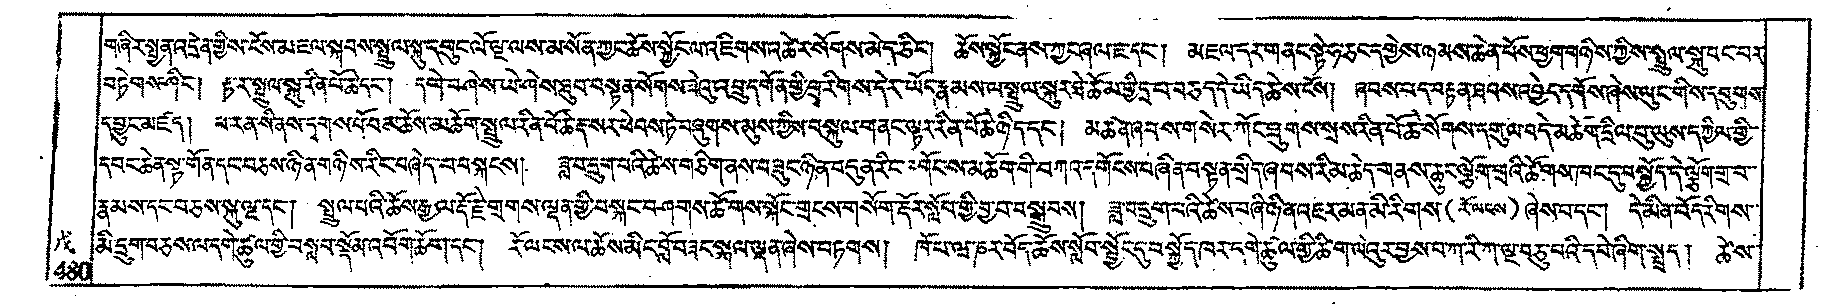གཞིར་སྤྱན་འདྲེན་གྱིས་ངོས་མཇལ་སྐབས་སྤྲུལ་སྐུ་དགུང་ལོ་ལྔ་ལས་མ་སོན་ཀྱང་ཆོས་སྐྱོང་ལ་འཇིགས་འཚེར་སོགས་མེད་ཅིང་། ཆོས་སྐྱོང་ནས་ཀྱང་ཞལ་ཇ་དང་། མཇལ་དར་གནང་སྟེ་ཧ་ཅང་དགྱེས་ཉམས་ཆེན་པོས་ཕྱག་གཉིས་ཀྱིས་སྤྲུལ་སྐུ་པང་པར་
བཏེགས་ཤིང་། རྟ་ར་སྤྲུལ་སྐུ་རིན་པོ་ཆེ་དང་། དགེ་བཤེས་ཡེ་ཤེས་ཐུབ་བསྟན་སོགས་ཟེའུ་འབྲུ་དགོན་གྱི་གྲྭ་རིགས་དེར་ཡོད་རྣམས་ལ་སྤྲུལ་སྐུར་ཐེ་ཚོམ་གྱི་དྲ་བ་བཅད་དེ་ཡིད་ཆེས་ངོས། ཞབས་པད་བརྟན་ཐབས་འབྱེད་དགོས་ཞེས་ལུང་གིས་དབུགས་
དབྱུང་མཛད། ཕ་རན་སི་ནས་དྭགས་པོ་བམ་ཆོས་མཆོག་སྤྲུལ་རིན་པོ་ཆེ་རྡ་སར་ཕེབས་ཏེ་བཞུགས་མུས་ཀྱིས་བསྐུལ་གནང་ལྟར་རིན་པོ་ཆེ་ཉིད་དང་། མཚན་ཞབས་གསེར་ཀོང་ཐུགས་སྲས་རིན་པོ་ཆེ་སོགས་དགུ་ལ་བདེ་མཆོག་དྲིལ་བུ་ལུས་དཀྱིལ་གྱི་
དབང་ཆེན་སྟ་གོན་དང་བཅས་ཉིན་གཉིས་རིང་བཞེད་པ་བསྐངས། ཟླ་བ་དྲུག་པའི་ཚེས་གཅིག་ནས་བཟུང་ཉིན་བདུན་རིང་༧གོང་ས་མཆོག་གི་བཀའ་དགོངས་བཞིན་བསྟན་སྲིད་ཞབས་རིམ་ཆེད་གནས་ཆུང་ལྕོག་གྲའི་ཚོགས་ཁང་དུ་བསྐྱོད་དེ་ལྕོག་གྲ་བ་
རྣམས་དང་བཅས་སྐུ་ལྔ་དང་། སྤྲུལ་པའི་ཆོས་རྒྱལ་རྡོ་རྗེ་གྲགས་ལྡན་གྱི་བསྐང་བཤགས་ཚོགས་སྐོང་གྲངས་གསོག་རྡོར་སློབ་གྱི་བྱ་བ་བསྒྲུབས། ཟླ་བ་དྲུག་པའི་ཚེས་བཞི་ཉིན་འཇར་མན་མི་རིགས་རོ་ལངས་ཞེས་པ་དང་། དེ་མིན་བོད་རིགས་
མི་དྲུག་བཅས་ལ་དགེ་ཚུལ་གྱི་བསླབ་སྡོམ་འབོག་ཆོག་དང་། རོ་ལངས་ལ་ཆོས་མིང་བློ་བཟང་སྐལ་ལྡན་ཞེས་བཏགས། ཁོ་པ་ཝ་ཎར་བོད་ཆོས་སློབ་སྦྱོང་དུ་བསྐྱོད་ཁར་དགེ་ཚུལ་གྱི་ཚིག་ལེའུར་བྱས་པ་ཀ་རི་ཀ་ལྔ་བཅུ་པའི་དཔེ་ཞིག་སྤྲད། ཚེས་